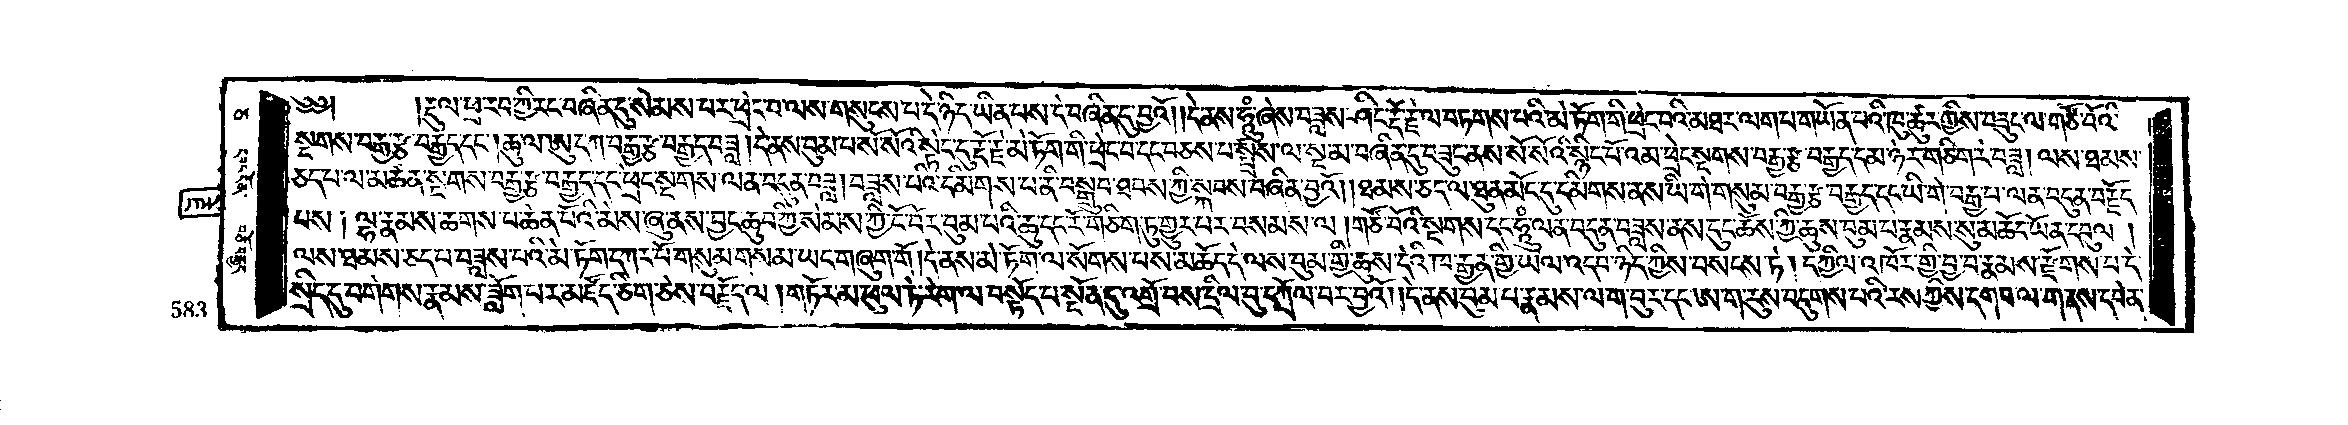༄༅། །རྡུལ་ཕྲ་རབ་ཀྱི་རང་བཞིན་དུ་སེམས་པར་ཕྲེང་བ་ལས་གསུངས་པ་དེ་ཉིད་ཡིན་པས་དེ་བཞིན་དུ་བྱའོ། །དེ་ནས་ཧཱུཾ་ཞེས་བཟླས་ཤིང་རྡོ་རྗེ་ལ་བཏགས་པའི་མེ་ཏོག་གི་ཕྲེང་བའི་མཐར་ལག་པ་གཡོན་པའི་ཁུ་ཚུར་གྱིས་བཟུང་ལ་གཙོ་བོའི་
སྔགས་བརྒྱ་རྩ་བརྒྱད་དང་། ཆུ་ལ་ཨུ་ད་ཀ་བརྒྱ་རྩ་བརྒྱད་བཟླ། དེ་ནས་བུམ་པ་སོ་སོའི་སྟེང་དུ་རྡོ་རྗེ་མེ་ཏོག་གི་ཕྲེང་བ་དང་བཅས་པ་སྤྲོས་ལ་སྔ་མ་བཞིན་དུ་བཟུང་ནས་སོ་སོའི་སྙིང་པོ་འམ་ཕྲེང་སྔགས་བརྒྱ་རྩ་བརྒྱད་དམ་ཉེར་གཅིག་རེ་བཟླ། ལས་ཐམས་
ཅད་པ་ལ་མཚན་སྔགས་བརྒྱ་རྩ་བརྒྱད་དང་ཕྲེང་སྔགས་ལན་བདུན་བཟླ། བཟླས་པའི་དམིགས་པ་ནི་བསྒྲུབ་ཐབས་ཀྱི་སྐབས་བཞིན་བྱའོ། །ཐམས་ཅད་ལ་ཐུན་མོང་དུ་དམིགས་ནས་ཡི་གེ་གསུམ་བརྒྱ་རྩ་བརྒྱད་དང་ཡི་གེ་བརྒྱ་པ་ལན་བདུན་བརྗོད་
པས། ལྷ་རྣམས་ཆགས་པ་ཆེན་པོའི་མེས་ཞུ་ནས་བྱང་ཆུབ་ཀྱི་སེམས་ཀྱི་ངོ་བོར་བུམ་པའི་ཆུ་དང་རོ་གཅིག་ཏུ་གྱུར་པར་བསམས་ལ། གཙོ་བོའི་སྔགས་དང་ཧཱུཾ་ལན་བདུན་བཟླས་ནས་དུང་ཆོས་ཀྱི་ཆུས་བུམ་པ་རྣམས་སུ་མཆོད་ཡོན་དབུལ།
ལས་ཐམས་ཅད་པ་བཟླས་པའི་མེ་ཏོག་དཀར་པོ་གསུམ་གསུམ་ཡང་གཞུག་གོ །དེ་ནས་མེ་ཏོག་ལ་སོགས་པས་མཆོད་དེ་ལས་བུམ་གྱི་ཆུས་དེའི་ཁ་རྒྱན་གྱི་ཡལ་འདབ་ཉིད་ཀྱིས་བསངས་ཏེ། དཀྱིལ་འཁོར་གྱི་བྱ་བ་རྣམས་རྫོགས་པ་དེ་
སྲིད་དུ་བགེགས་རྣམས་ཟློག་པར་མཛོད་ཅིག་ཅེས་བརྗོད་ལ། གཏོར་མ་ཕུལ་ཏེ་རེག་ལ་བསྟོད་པ་སྔོན་དུ་འགྲོ་བས་དྲིལ་བུ་དཀྲོལ་བར་བྱའོ། །དེ་ནས་བུམ་པ་རྣམས་ལ་ག་བུར་དང་ཨ་ག་རུས་བདུགས་པའི་རས་ཀྱིས་དགབ་ལ་གནས་དབེན་